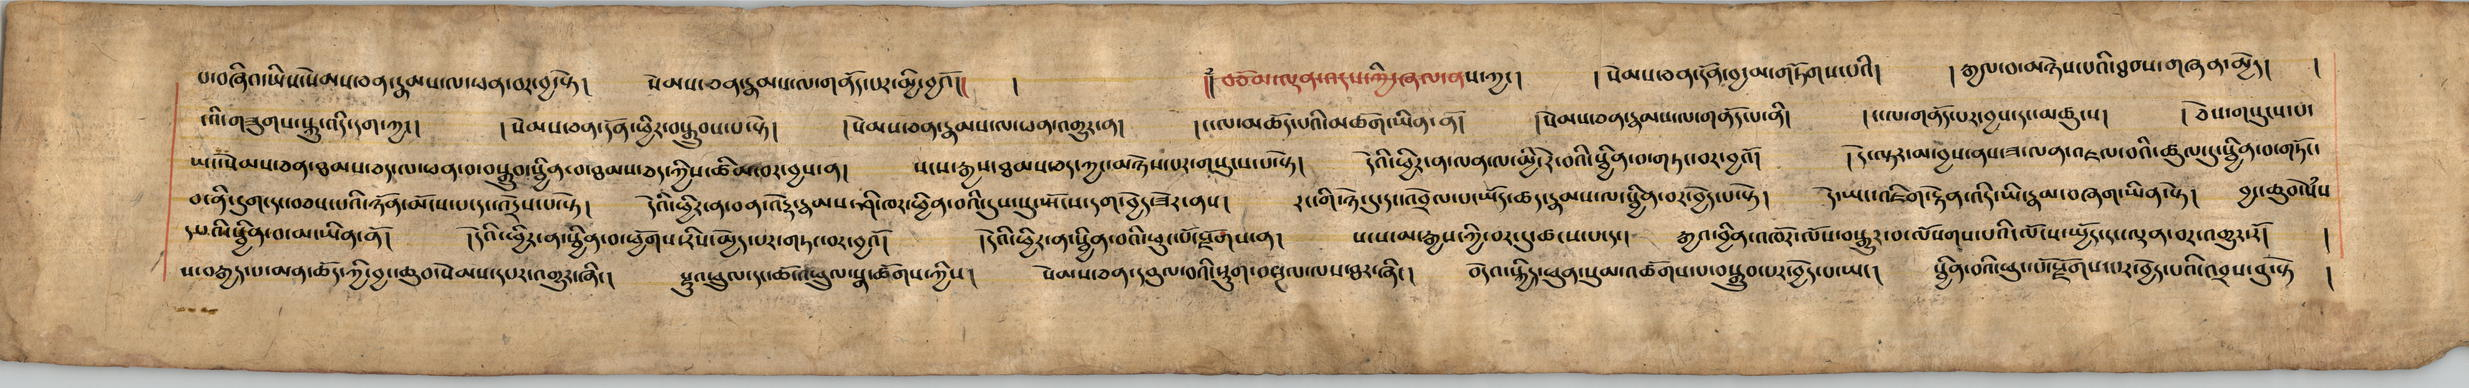པ་བཞིའ་ཡིས་སེམས་ཅན་རྣམས་ལ་ཕན་བར་བྱ་སྟེ། སེམས་ཅན་རྣམས་ལ་གནོད་པར་མྱི་བྱའོ། །། བཅོམ་ལྡན་འདས་ཀྱི་ཞལ་ནས་ཀྱང། །སེམས་ཅན་དོན་བྱ་མ་གཏོགས་པའི། །རྒྱལ་བ་མཉེས་པའི་ཐབས་གཞན་མྱེད།
ངའི་གཟུགས་སྐུ་འདི་དག་ཀྱང། །སེམས་ཅན་དོན་ཕྱིར་བསྒྲུབས་པ་སྟེ། །སེམས་ཅན་རྣམས་ལ་ཕན་འགྱུར་ན། །ང་ལ་མཆོད་པའི་མཆོག་ཡིན་ནོ། །སེམས་ཅན་རྣམས་ལ་གནོད་པ་ནི། །ང་ལ་གནོད་པར་བྱས་དང་མཚུངས། ། ཅེས་གསུངས་པ་
ཡང་སེམས་ཅན་ཐམས་ཅད་ལ་ཕན་བ་བསྒྲུབ་སྦྱིན་བ་ཐམས་ཅད་ཀྱིས་ཚིམ་བར་བྱས་ན། སངས་རྒྱས་ཐམས་ཅད་མཉེས་པར་གསུངས་པ་སྟེ། དེའི་ཕྱིར་ན་ལན་ལ་མྱི་རེ་བའི་སྦྱིན་བ་གཏང་བར་བྱའོ། ། དེ་ལྟར་མ་བྱས་ནས་ཟ་ལན་འཇལ་བའི་ཚུལ་དུ་སྦྱིན་བ་གཏོང་
བ་ནི་དུག་དང་བཅས་པའི་ཉོན་མོངས་པ་དང་འདྲེས་པ་སྟེ། དེའི་ཕྱིར་ན་བན་འརྡེ་རྣམས་ཤི་ཁར་ཕྱིན་བའི་དུས་སུ་ཡོངས་དག་བྱེད་ཟེར་ནས། རང་གི་ཉེ་དུ་དང་འབྲེལ་པ་ཡོད་ཚད་རྣམས་ལ་སྦྱིན་བར་བྱེད་པ་སྟེ། དེ་ཡང་འཇིག་རྟེན་འདི་ཡི་རྣམ་བཞག་ཡིན་སྟེ། བྱང་ཆུབ་སེཾས
དཔའི་སྦྱིན་བ་མ་ཡིན་ནོ། །དེའི་ཕྱིར་ན་སྦྱིན་བ་ཕྱོགས་རིས་མྱེད་པར་གཏང་བར་བྱའོ། །དེའི་ཕྱིར་ན་སྦྱིན་བའི་ཕུང་པོ་སྫོགས་ན། སངས་མ་རྒྱས་ཀྱི་བར་དུ་ཚངས་པ་དང། རྒྱའ་བྱིན་འཁོར་ལོས་བསྒྱུར་བ་ལསོགས་པའི་ལོངས་སྤྱོད་དང་ལྡན་བར་འགྱུར་རོ།
ས་བརྒྱད་པ་མན་ཆོད་ཀྱི་བྱང་ཆུབ་སེམས་དཔར་འགྱུར་ཞིང། སྫུ་འཕྲུལ་དང་ཆོ་འཕྲུལ་སྣ་ཚོགས་ཀྱིས། སེམས་ཅན་དབུལ་བའི་སྡུག་བསྔལ་ལས་ཐར་ཞིང། བདེའ་སྐྱིད་ཕུན་སུམ་འཚོགས་པ་བསྒྲུབ་པར་བྱེད་པ་ཡང། སྦྱིན་བའི་ཕུང་པོ་སྫོགས་པར་བྱེད་པའི་འབྲས་བུ་སྟེ